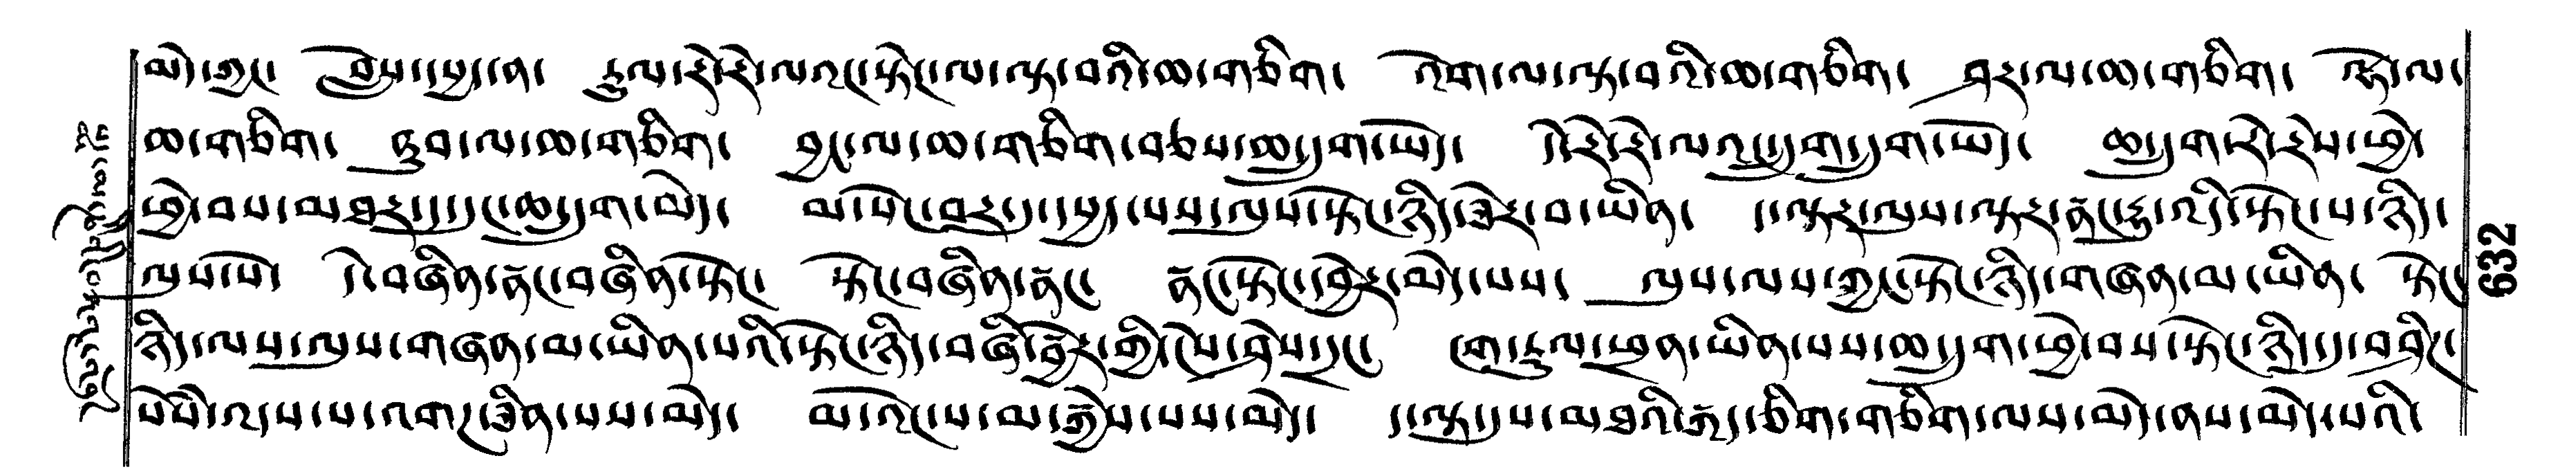མེད་ཀྱང་། བློས་དཔྱད་ན། རྡུལ་རེ་རེ་ལའང་སྟེང་ལ་ལྟ་བའི་ཆ་གཅིག འོག་ལ་ལྟ་བའི་ཆ་གཅིག ཤར་ལ་ཆ་གཅིག ལྷོ་ལ་
ཆ་གཅིག ནུབ་ལ་ཆ་གཅིག བྱང་ལ་ཆ་གཅིག་བཅས་ཆ་དྲུག་ཡོད། དེ་རེ་རེ་ལའང་དྲུག་དྲུག་ཡོད། ཆ་དྲུག་རེ་རེར་ཕྱེ
ཕྱེ་བས་མཐར་ད་དུང་ཆ་དྲུག་མེད་ མ་སོང་བར་དུ་དཔྱད་པས་ལུས་སྟོང་ཉིད་ཟེར་བ་ཡིན། ད་ལྟ་ལུས་ལྟར་སྣང་རྒྱུ་འདི་སྟོང་པ་ཉིད་
ལུས་སོ། དེ་བཞིན་སྣང་བཞིན་སྟོང་། སྟོང་བཞིན་སྣང་། སྣང་སྟོང་དབྱེར་མེད་པས། ལུས་ལས་ཀྱང་སྟོང་ཉིད་གཞན་མ་ཡིན། སྟོང་
ཉིད་ལས་ལུས་གཞན་མ་ཡིན་པའི་སྟོང་ཉིད་བཞི་སྦྱོར་གྱི་ངེས་ཤེས་དྲང་། ངག་རྡུལ་ཕྲན་ཡིན་པས་ཆ་དྲུག་ཕྱེ་བས་སྟོང་ཉིད་དུ་བཤིག་
སེམས་འདས་པ་འགགས་ཟིན་པས་མེད། མ་འོངས་པ་མ་སྐྱེས་པས་མེད། ད་ལྟ་དུས་མཐའི་སྐད་ཅིག་གཅིག་ལས་མེད་ནས་མེད་པའི་